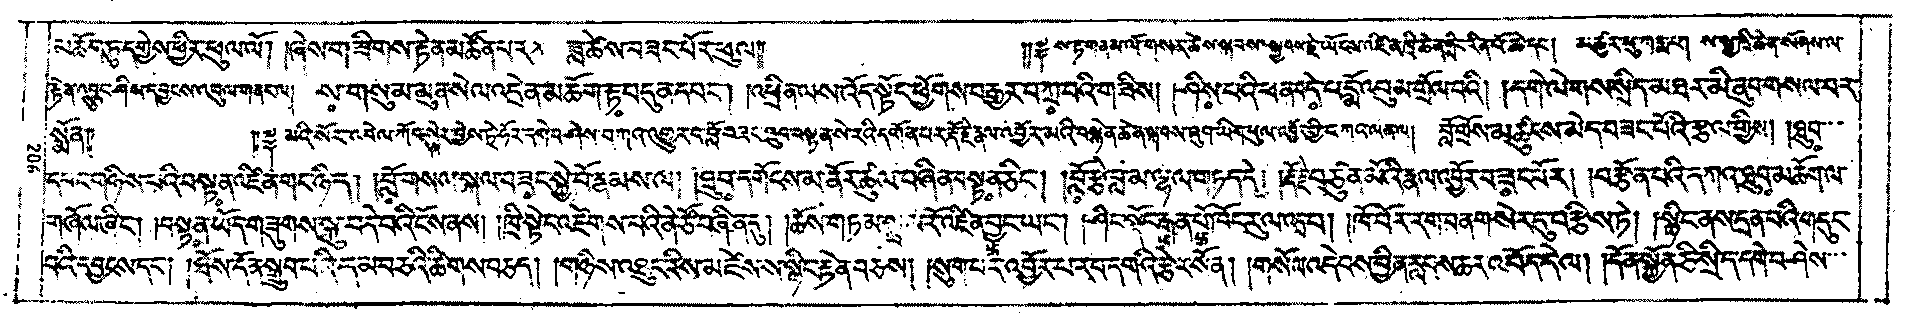མཆོག་ཏུ་དགྱེས་ཕྱིར་ཕུལ་ལོ། །ཞེས་གཟིགས་རྟེན་མཚོན་པར་྾་ཟླ་ཚེས་བཟང་པོར་ཕུལ།། །། ༈ ས་རྟ་གནམ་ལོ་གསར་ཚེས་སྐབས་༧སྐྱབས་རྗེ་ཡོངས་འཛིན་ཁྲི་ཆེན་གླིང་རིན་པོ་ཆེ་དང་། མཚུར་ཕུ་ཀརྨ་པ། ས་སྐྱ་ཁྲི་ཆེན་སོགས་ལ་
རྟེན་འབྱུང་ཤིས་དབྱངས་འབུལ་གནང་ལ། ས྾་གསུམ་མུན་སེལ་འདྲེན་མཆོག་རྟ྾་བདུན་དབང་། །འཕྲིན་ལས་འོད་སྟོང་ཕྱོགས་བརྒྱར་བཀྲ྾་བའི་གཟིས། །ཤིས྾་པའི་ཕན་བདེ྾་པདམོ་འབུམ་གྲོལ་བའི། །དགེ་ལེགས྾་སྲིད་མཐར་མི་ནུབ་གསལ་བར་
སྨོན།། །། ༈ མའི་སོར་འབེལ་ཀོབ་ནས་སེར་བྱེས་ཏྲེ་ཧོར་དགེ་བཤེས་བཀའ་འགྱུར་བ་བློ་བཟང་ཐུབ་བསྟན་སེ་རའི་དགོན་པར་རྡོ་རྗེ་རྣལ་འབྱོར་མའི་བསྙེན་ཆེན་སྐབས་ཞུག་ཡིག་ཕུལ་འབྱོར་གྱི་བཀའ་ལན་ལ།  བློ྾་གྲོས་མཚུངས་མེད་བཟང྾་པོའི་རྩལ་གྱིས། །ཐུབ྾་
དབང་གཉིས་པའི་བསྟན྾་འཛིན་གང་ཉིད། །བློ྾་གསལ་སྐལ་བཟང྾་སྐྱེ་བོ་རྣམས་ལ། །ཐུབ྾་དགོངས་མ་ནོར་ཚུལ་བཞིན་བསྟན྾་ཅིང་། །བློ྾་རྩེ་བླ་མ་ལྷ་ལ་གཏད་དེ། །རྡོ་རྗེ་བཙུན་མོའི་རྣལ་འབྱོར་བཟང྾་པོར། །བརྩོན་པའི་དཀའ་ཐུབ྾་མཆོག་ལ་
གཞོལ་ཞིང་། །བསྟན྾་ཡོད་གཟུགས་སྐུ་བདེ་བའི་ངོས་ནས། །ཁྲི་སྟེང་འཛེགས་པའི་ནེ་ཙོ་བཞིན་དུ། །ཆོས་གཏམ་སྨྲ་ལ་རོ་འཛིན་བྱུང་ཡང་། །ཤིང་སྡོང་~྾་རྒན་~྾་པོ་ཁོང་རུལ་འདྲ་བ། །ཁོ་བོར་རག་བན་གསེར་དུ་བརྩིས་ཏེ། །སྙིང་ནས་དྲན་པའི་གདུང་
བའི་དབྱངས་དང་། །ཐོས་དོན་སྒྲུབ་པའི་དམ་བཅའི་ཚིགས་བཅད། །གཉིས་འཐུང་རིས་མཛེས་ས་སྙིང་རྟེན་བཅས། །སུག་པར་འབྱོར་པ་རབ་དགའི་རྩེར་སོན། །གསོལ་འདེབས་བྱིན་རླབས་ཆར་འབོད་དེ་ལ། །དོན་སྐྱོན་ཅི་སྲིད་དགེ་བཤེས་